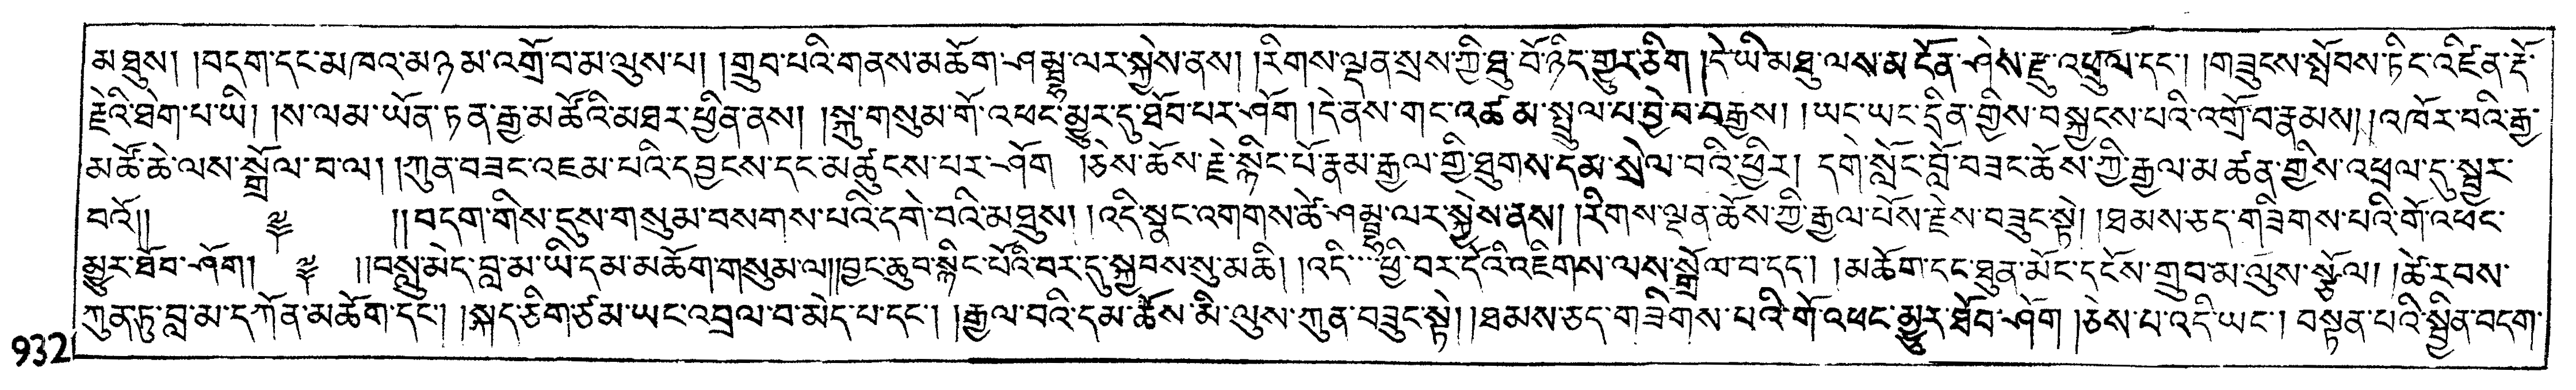མཐུས། །བདག་དང་མཁའ་མཉམ་འགྲོ་བ་མ་ལུས་པ། །གྲུབ་པའི་གནས་མཆོག་ཤམྦྷ་ལར་སྐྱེས་ནས། །རིགས་ལྡན་སྲས་ཀྱི་ཐུ་བོ་ཉིད་གྱུར་ཅིག །དེ་ཡི་མཐུ་ལས་མངོན་ཤེས་རྫུ་འཕྲུལ་དང་། །གཟུངས་སྤོབས་ཏིང་འཛིན་རྡོ་
རྗེའི་ཐེག་པ་ཡི། །ས་ལམ་ཡོན་ཏན་རྒྱ་མཚོའི་མཐར་ཕྱིན་ནས། །སྐུ་གསུམ་གོ་འཕང་མྱུར་དུ་ཐོབ་པར་ཤོག །དེ་ནས་གང་འཚམ་སྤྲུལ་པ་བྱེ་བ་བརྒྱས། །ཡང་ཡང་དྲིན་གྱིས་བསྐྱངས་པའི་འགྲོ་བ་རྣམས། །འཁོར་བའི་རྒྱ་
མཚོ་ཆེ་ལས་སྒྲོལ་བ་ལ། །ཀུན་བཟང་འཇམ་པའི་དབྱངས་དང་མཚུངས་པར་ཤོག །ཅེས་ཆོས་རྗེ་སྙིང་པོ་རྣམ་རྒྱལ་གྱི་ཐུགས་དམ་སྲེལ་བའི་ཕྱིར། དགེ་སློང་བློ་བཟང་ཆོས་ཀྱི་རྒྱལ་མཚན་གྱིས་འཕྲལ་དུ་སྦྱར་
བའོ།། ༈ །།བདག་གིས་དུས་གསུམ་བསགས་པའི་དགེ་བའི་མཐུས། །འདི་སྣང་འགགས་ཚེ་ཤམྦྷ་ལར་སྐྱེས་ནས། །རིགས་ལྡན་ཆོས་ཀྱི་རྒྱལ་པོས་རྗེས་བཟུང་སྟེ། །ཐམས་ཅད་གཟིགས་པའི་གོ་འཕང་
མྱུར་ཐོབ་ཤོག ། ༈ །།བསླུ་མེད་བླ་མ་ཡི་དམ་མཆོག་གསུམ་ལ། །བྱང་ཆུབ་སྙིང་པོའི་བར་དུ་སྐྱབས་སུ་མཆི། །འདི་ཕྱི་བར་དོའི་འཇིགས་ལས་སྒྲོལ་བ་དང་། །མཆོག་དང་ཐུན་མོང་དངོས་གྲུབ་མ་ལུས་སྩོལ། །ཚེ་རབས་
ཀུན་ཏུ་བླ་མ་དཀོན་མཆོག་དང་། །སྐད་ཅིག་ཙམ་ཡང་འབྲལ་བ་མེད་པ་དང་། །རྒྱལ་བའི་དམ་ཆོས་མི་ལུས་ཀུན་བཟུང་སྟེ། །ཐམས་ཅད་གཟིགས་པའི་གོ་འཕང་མྱུར་ཐོབ་ཤོག །ཅེས་པ་འདི་ཡང་། བསྟན་པའི་སྦྱིན་བདག་